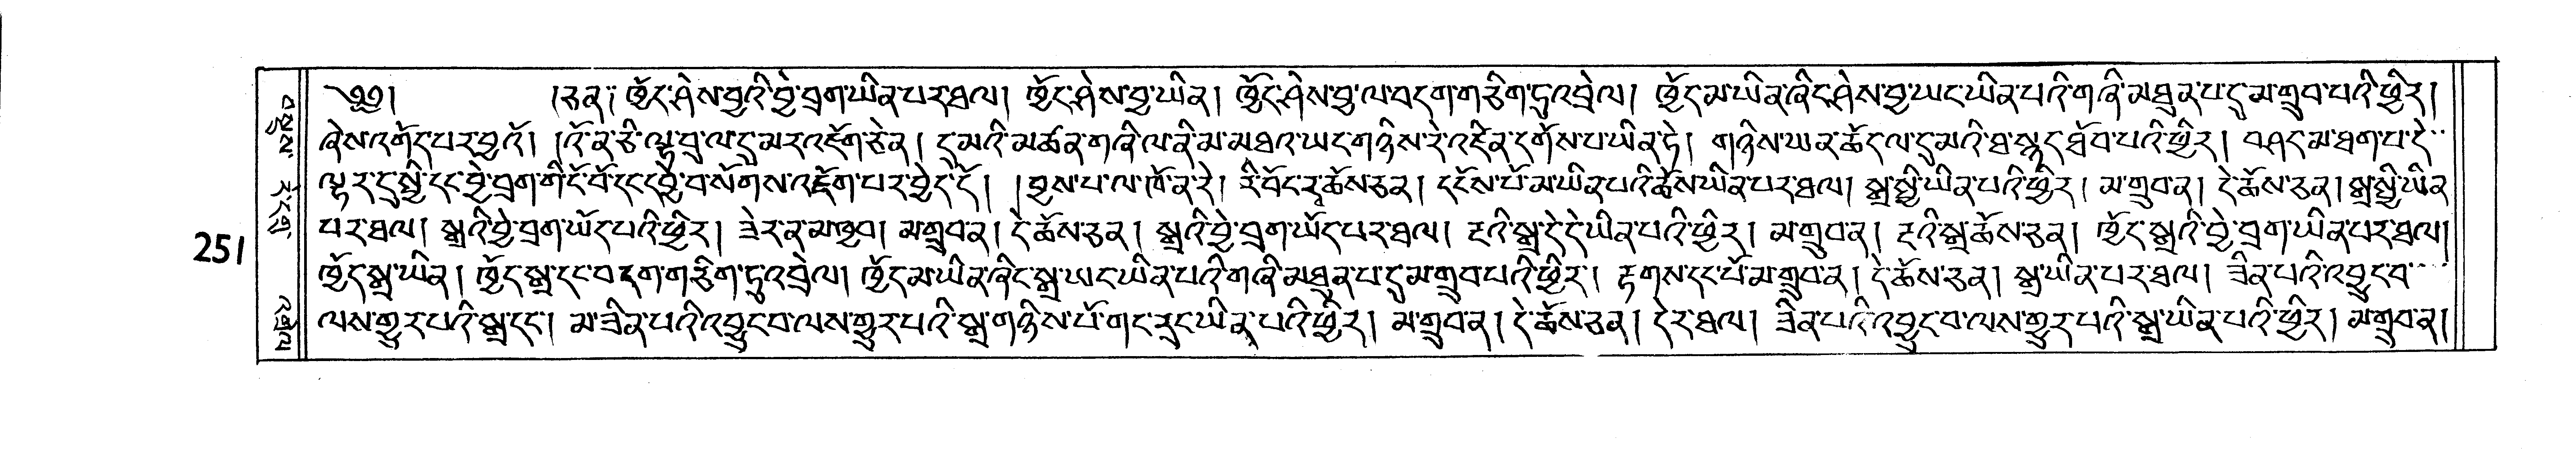༄༅། །ཅན༑ ཁྱོད་ཤེས་བྱའི་བྱེ་བྲག་ཡིན་པར་ཐལ། ཁྱོད་ཤེས་བྱ་ཡིན། ཁྱོད་ཤེས་བྱ་ལ་བདག་གཅིག་ཏུ་འབྲེལ། ཁྱོད་མ་ཡིན་ཞིང་ཤེས་བྱ་ཡང་ཡིན་པའི་གཞི་མཐུན་པ་དུ་མ་གྲུབ་པའི་ཕྱིར།
ཞེས་འགོད་པར་བྱའོ། །འོ་ན་ཅི་ལྟ་བུ་ལ་དུ་མར་འཇོག་ཅེ་ན། དུ་མའི་མཚན་གཞི་ལ་ནི་མ་མཐའ་ཡང་གཉིས་རེ་འཛིན་དགོས་པ་ཡིན་ཏེ། གཉིས་ཡན་ཆོད་ལ་དུ་མའི་ཐ་སྙད་ཐོབ་པའི་ཕྱིར། བཤད་མ་ཐག་པ་དེ་
ལྟར་དུ་སྤྱི་དང་བྱེ་བྲག་གི་ངོ་བོ་དང་དབྱེ་བ་སོགས་འཇོག་པར་བྱེད་དོ། །བྱས་པ་ལ་ཁོ་ན་རེ། རི་བོང་རྭ་ཆོས་ཅན། དངོས་པོ་མ་ཡིན་པའི་ཆོས་ཡིན་པར་ཐལ། སྒྲ་སྤྱི་ཡིན་པའི་ཕྱིར། མ་གྲུབ་ན། དེ་ཆོས་ཅན། སྒྲ་སྤྱི་ཡིན་
པར་ཐལ། སྒྲའི་བྱེ་བྲག་ཡོད་པའི་ཕྱིར། ཟེར་ན་མ་ཁྱབ། མ་གྲུབ་ན། རྔེ་ཆོས་ཅན། སྒྲའི་བྱེ་བྲག་ཡོད་པར་ཐལ། རྔའི་སྒྲ་དེ་དེ་ཡིན་པའི་ཕྱིར། མ་གྲུབ་ན། རྔའི་སྒྲ་ཆོས་ཅན། ཁྱོད་སྒྲའི་བྱེ་བྲག་ཡིན་པར་ཐལ།
ཁྱོད་སྒྲ་ཡིན། ཁྱོད་སྒྲ་དང་བདག་གཅིག་ཏུ་འབྲེལ། ཁྱོད་མ་ཡིན་ཞིང་སྒྲ་ཡང་ཡིན་པའི་གཞི་མཐུན་པ་དུ་མ་གྲུབ་པའི་ཕྱིར། རྟགས་དང་པོ་མ་གྲུབ་ན། དེ་ཆོས་ཅན། སྒྲ་ཡིན་པར་ཐལ། ཟིན་པའི་འབྱུང་བ་
ལས་གྱུར་པའི་སྒྲ་དང་། མ་ཟིན་པའི་འབྱུང་བ་ལས་གྱུར་པའི་སྒྲ་གཉིས་པོ་གང་རུང་ཡིན་པའི་ཕྱིར། མ་གྲུབ་ན། དེ་ཆོས་ཅན། དེར་ཐལ། ཟིན་པའི་འབྱུང་བ་ལས་གྱུར་པའི་སྒྲ་ཡིན་པའི་ཕྱིར། མ་གྲུབ་ན།